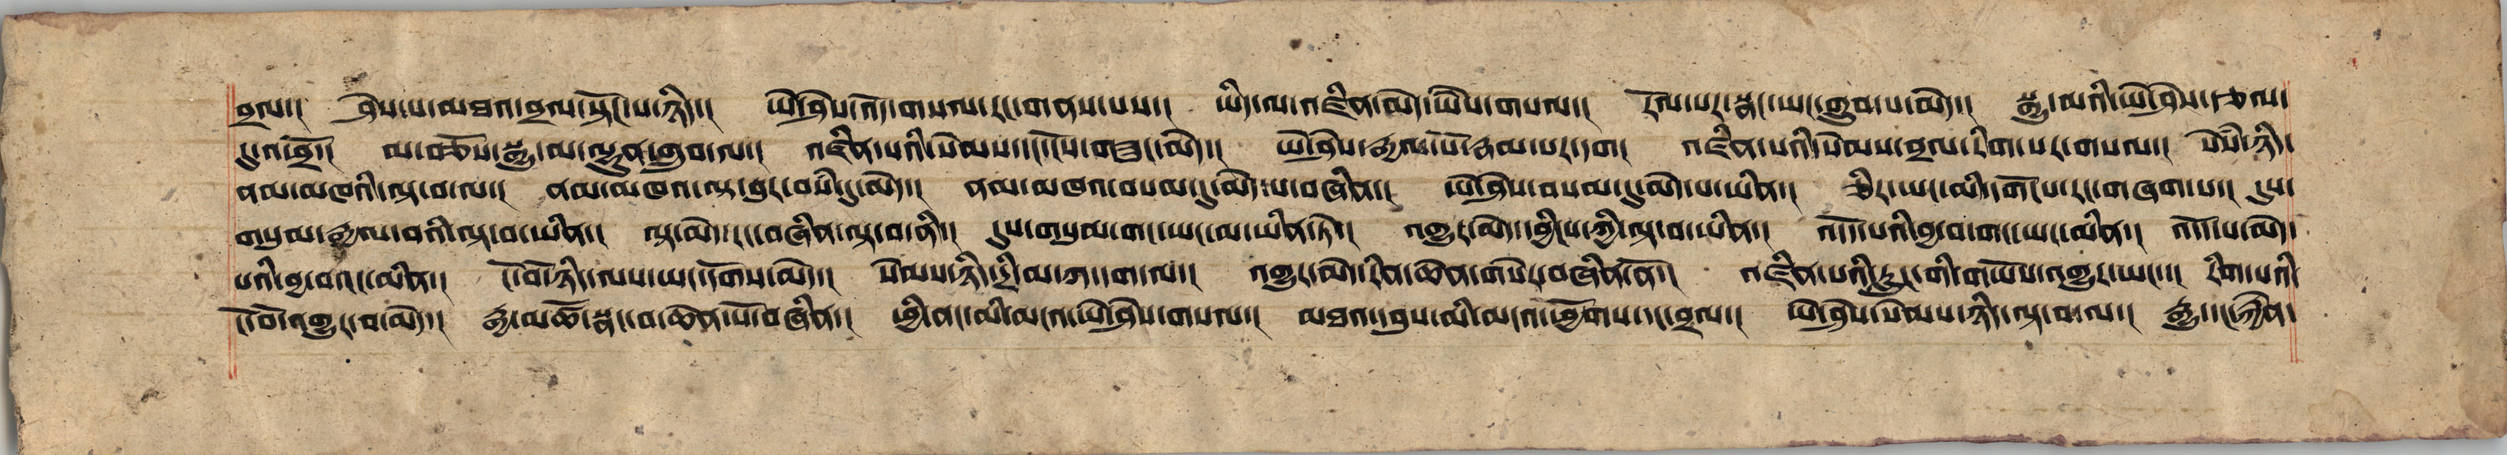བྲལ་། ཤེས་པ་མཐའ་བྲལ་སྟོང་པ་ཉིད་། ཡེ་ཤེས་འོད་གསལ་རང་གནས་པས་། ཡིད་ལ་འཛིན་མེད་ཡཻས་གསལ་། རོལ་པར་སྣང་ཡང་གྲུབ་པ་མེད་། སྒྱུ་མའི་ཡེ་ཤེས་རྩལ་
དུ་འཕྲོ་། མ་བཅོས་སྒྱུ་མ་ལྷུན་གྲུབ་ལ་། འཛིན་པའི་སེམས་དང་ངོས་བཟུང་མེད་། ཡེ་ཤེས་རྒྱལ་པོ་རྣམ་པར་དག། འཛིན་པའི་སེམས་བྲལ་རིག་པར་གསལ་། སེཾས་ཉིད་
ནམ་མཁའི་ལྟ་བ་ལ་། ནམ་མཁའ་ལྟ་བུར་བསཾ་དུ་མེད་། ནམ་མཁའ་བསམ་དུ་མེད་པ་བཞིན་། ཡེ་ཤེས་བསམ་དུ་མེད་པ་ཡིན་། ཅིར་ཡང་མི་དགོངས་རང་གཞག་པ་། དུས་
གསུམ་རྒྱལ་བའི་ལྟ་བ་ཡིན་། ལྟ་མེད་རང་བཞིན་ལྟ་བ་ནི་། དུས་གསུཾ་གང་ཡང་མ་ཡིན་ཏེ་།་ འགྱུར་མེད་དབྱིངས་ཀྱི་ལྟ་བ་ཡིན་། འདོད་པའི་བྱ་བ་གང་ཡང་མིན་། འདོད་པ་མེད་
པའི་བྱ་བའང་མིན་། ངོ་བོ་ཉིད་ལས་ཡང་དོགས་མེད་། སེམས་ཉིད་དྲི་མ་ཀ་དག་ལ་། འགྱུར་མེད་རིན་ཆེན་གསེར་བཞིན་ནོ་། འཛིན་པའི་རླུང་གི་གཡོས་འགྱུར་ཡང་། རིག་པའི་
ངོ་བོ་འགྱུར་བ་མེད་། རྒྱ་མཚོ་སྣང་བ་ཆེན་པོ་བཞིན་། ཕྱི་ནང་མི་མངའ་ཡེ་ཤེས་གསལ་། མཐའ་དབུས་མི་མངའ་ཕྱོགས་དང་བྲལ་། ཡེ་ཤེས་སེམས་ཉིད་ལྟ་བ་ལ་། རྒྱུ་དང་རྐྱེན་